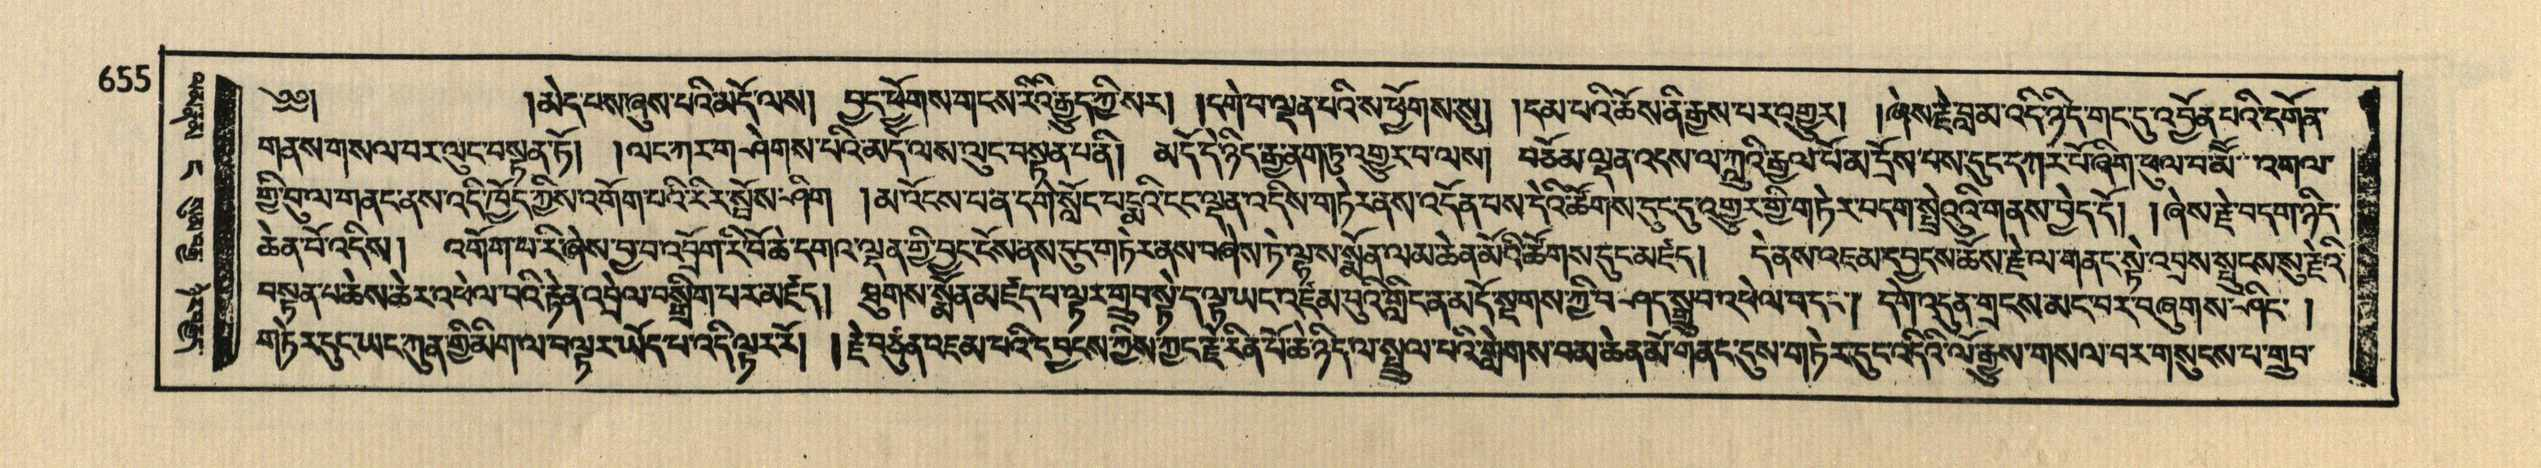༄༅། །མེད་པས་ཞུས་པའི་མདོ་ལས། བྱང་ཕྱོགས་གངས་རིའི་རྒྱུད་ཀྱི་སར། །དགེ་བ་ལྡན་པའི་ས་ཕྱོགས་སུ། །དམ་པའི་ཆོས་ནི་རྒྱས་པར་འགྱུར། །ཞེས་རྗེ་བླ་མ་འདི་ཉིད་གང་དུ་འབྱོན་པའི་དགོན་
གནས་གསལ་བར་ལུང་བསྟན་ཏོ། །ལང་ཀར་གཤེགས་པའི་མདོ་ལས་ལུང་བསྟན་པ་ནི། མདོ་དེ་ཉིད་རྒྱ་ནག་ཏུ་འགྱུར་བ་ལས། བཅོམ་ལྡན་འདས་ལ་ཀླུའི་རྒྱལ་པོ་མ་དྲོས་པས་དུང་དཀར་པོ་ཞིག་ཕུལ་བ་མཽ་འགལ་
གྱི་བུ་ལ་གནང་ནས་འདི་ཁྱོད་ཀྱིས་འགོག་པའི་རིར་སྦོས་ཤིག །མ་འོངས་པ་ན་དགེ་སློང་པདམའི་དང་ལྡན་འདིས་གཏེར་ནས་འདོན་པས་དེའི་ཚོགས་དུང་དུ་འགྱུར་གྱི་གཏེར་བདག་སྤྲེའུའི་གནས་བྱེད་དོ། །ཞེས་རྗེ་བདག་ཉིད་
ཆེན་པོ་འདིས། འགོག་པ་རི་ཞེས་བྱ་བ་འབྲོག་རི་བོ་ཆེ་དགའ་ལྡན་གྱི་བྱང་ངོས་ནས་དུང་གེར་ནས་བཞེས་ཏེ་ལྷ་ས་སྨོན་ལམ་ཆེན་མོའི་ཚོགས་དུང་མཛད། དེ་ནས་འཇམ་དབྱངས་ཆོས་རྗེ་ལ་གནང་སྟེ་འབྲས་སྤུངས་སུ་རྗེའི་
བསྟན་པ་ཆེས་ཆེར་འཕེལ་བའི་རྟེན་འབྲེལ་བསྒྲིག་པར་མཛད། ཐུགས་སྨོན་མཛད་པ་ལྟར་གྲུབ་སྟེ་ད་ལྟ་ཡང་འཛམ་བུའི་གླིང་ན་མདོ་སྔགས་ཀྱི་བཤད་སྒྲུབ་འཕེལ་བ་དང་། དགེ་འདུན་གྲངས་མང་བར་བཞུགས་ཤིང་།
གཏེར་དུང་ཡང་ཀུན་གྱི་མིག་ལ་བལྟར་ཡོད་པ་འདི་ལྟར་རོ། །རྗེ་བཙུན་འཇམ་པའི་དབྱངས་ཀྱིས་ཀྱང་རྗེ་རིན་པོ་ཆེ་ཉིད་ལ་སྤྲུལ་པའི་གླེགས་བམ་ཆེན་མོ་གནང་དུས་གཏེར་དུང་འདིའི་ལོ་རྒྱུས་གསལ་བར་གསུངས་པ་གྲུབ་